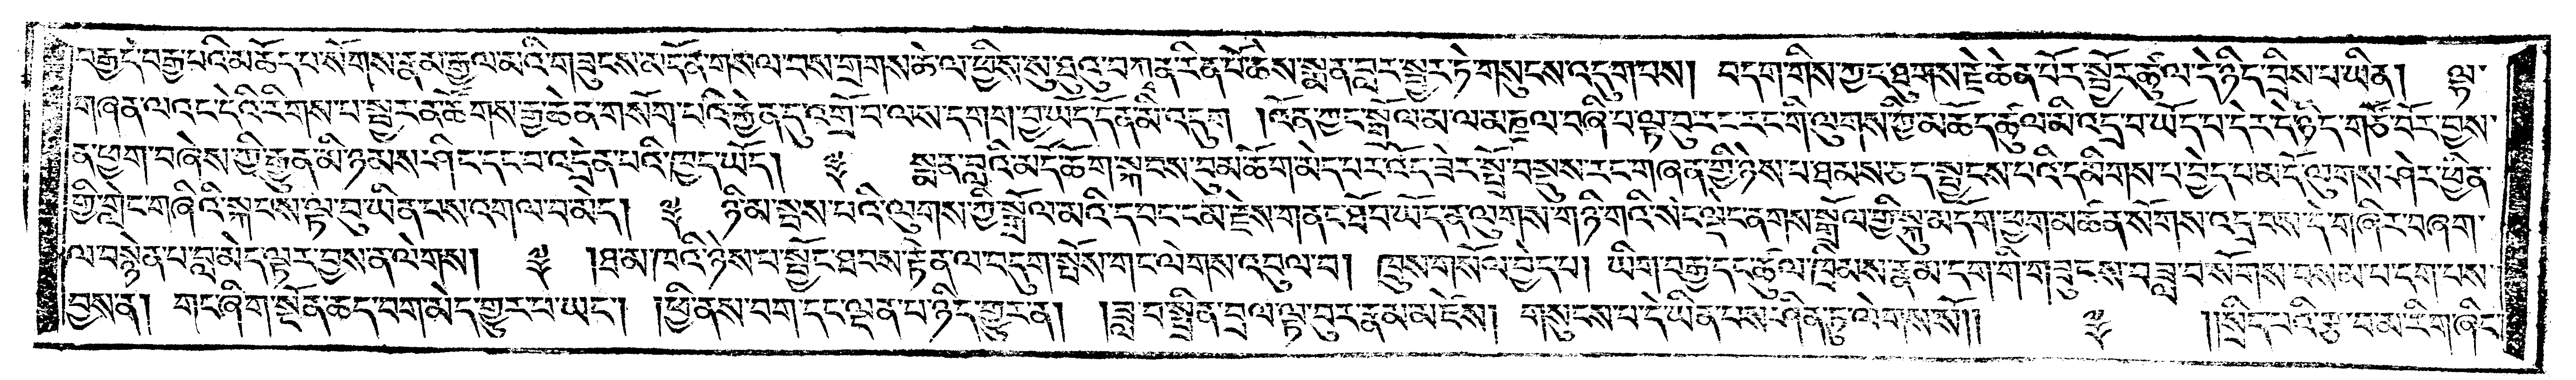བརྒྱད་བརྒྱ་པའི་མཆོད་པ་སོགས་རྣམ་རྒྱལ་མའི་གཟུངས་མདོན་གསལ་བས་གྲགས་ཆེ་ལ་ཕྱིས་སུ་ཐུའུ་བཀྭན་རིན་པོ་ཆེས་སྨན་བླར་སྦྱར་ཏེ་གསུངས་འདུག་པས། བདག་གིས་ཀྱང་ཐུགས་རྗེ་ཆེན་བོར་སྦྱོར་ཚུལ་དེ་ཉིད་བྲིས་པ་ཡིན། ལྷ་
གཞན་ལའང་དེའི་རིགས་པ་སྦྱར་མཚོགས་རྒྱ་ཆེན་གསོག་པའི་རྐྱེན་དུ་འགྲོ་བ་ལས་དགག་བྱ་ཡོད་དོན་མི་འདུག །འོན་ཀྱང་སྒྲོལ་མ་ལ་མཎྜལ་བཞི་བ་ལྟ་བུ་རང་རང་གི་ལུགས་ཀྱི་མཆོད་ཚུལ་མི་འདྲ་བ་ཡོད་པ་དེར་དེ་ཉིད་གཙོ་བོར་བྱས་
ན་ཕྱག་བཞེས་ཀྱི་རྒྱུན་མི་ཉམས་ཤིང་དང་བ་འདྲེན་པའི་ཁྱད་ཡོད། ༈ སྨན་བླའི་མདོ་ཆོ་ག་སྐབས་བུམ་ཆོག་མེད་པར་འོད་ཟེར་སྤྲོ་བསྡུས་རང་གཞན་གྱི་ཉེས་པ་ཐམས་ཅད་སྦྱངས་པའི་དམིགས་པ་བྱེད་པ་མདོ་ལུགས་ཤེར་ཕྱིན་
ཕ༹གྱི་གླང་གཞིའི་སྐབས་ལྟ་བུ་ཡིན་པས་འགལ་བ་མེད། ༈ ཉི་མ་སྦས་པའི་ལུགས་ཀྱི་སྒྲོལ་མའི་དབང་ངམ་རྗེས་གནང་ཐོབ་ཡོད་ན་ལུགས་གཉི་གའི་སང་ལྡེང་ནགས་སྒྲོལ་གྱི་སྐུ་མདོག་ཕྱག་མཚན་སོགས་འདྲ་བས་དེ་གཞིར་བཞག་
ལ་བསྙེན་པ་བླ་མེད་ལྟར་བྱས་ན་ལེགས། ༈ །ཐ་མ་ཁའི་ཉེས་པ་སྦྱོང་ཐབས་རྟེན་ལ་བདུག་སྤོས་གང་ལེགས་འབུལ་བ། ཁྲུས་གསོལ་བྱེད་པ། ཡིག་བརྒྱ་དང་ཚུལ་ཁྲིམས་རྣམ་དག་གི་གཟུངས་བཟླ་བ་སོགས་བསམ་པ་དག་པས་
བྱས་ན། གང་ཞིག་སྔོན་ཆད་བག་མེད་གྱུར་པ་ཡང་། །ཕྱི་ནས་བག་དང་ལྡན་པ་ཉིད་གྱུར་ན། །ཟླ་བ་སྤྲིན་བྲལ་ལྟ་བུར་རྣམ་མཛེས། གསུངས་པ་དེ་ཡིན་པས་ཤིན་ཏུ་ལེགས་སོ།། ༈ །།སྲིད་བའི་རྩ་བ་མ་རིག་ཞིང་